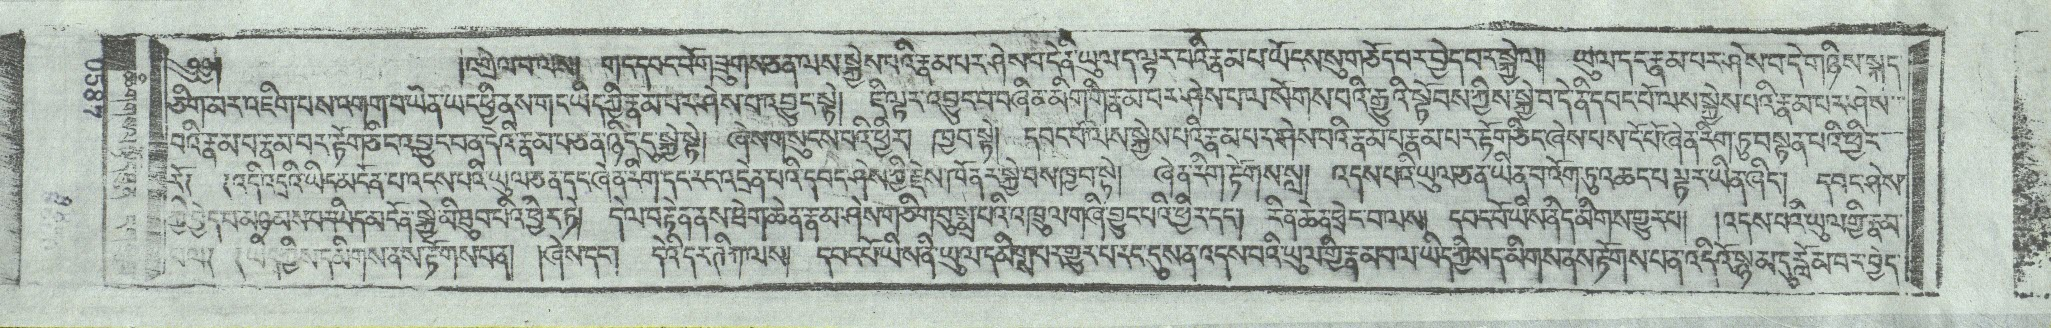༄༅། །འགྲེལ་བ་ལས། གང་དབང་པོ་གཟུགས་ཅན་ལས་སྐྱེས་པའི་རྣམ་པར་ཤེས་པ་དེ་ནི་ཡུལ་ད་ལྟར་པའི་རྣམ་པ་ཡོངས་སུ་གཅོད་པར་བྱེད་པར་སྐྱེ་ལ། ཡུལ་དང་རྣམ་པར་ཤེས་པ་དེ་གཉིས་སྐད་
ཅིག་མར་འཇིག་པས་འགག་པ་ཡིན་ཡང་ཕྱི་ནས་གང་ཡིད་ཀྱི་རྣམ་པར་ཤེས་པ་འབྱུང་སྟེ། ཇི་ལྟར་འབྱུང་བ་བཞིན་མིག་གི་རྣམ་པར་ཤེས་པ་ལ་སོགས་པའི་རྒྱུའི་སྟོབས་ཀྱིས་སྐྱེ་བ་དེ་ནི་དབང་པོ་ལས་སྐྱེས་པའི་རྣམ་པར་ཤེས་
པའི་རྣམ་པ་རྣམ་པར་རྟོག་ཅིང་འབྱུང་བ་ན་དེའི་རྣམ་པ་ཅན་ཉིད་དུ་སྐྱེ་སྟེ། ཞེས་གསུངས་པའི་ཕྱིར། ཁྱབ་སྟེ། དབང་པོ་ལས་སྐྱེས་པའི་རྣམ་པར་ཤེས་པའི་རྣམ་པ་རྣམ་པར་རྟོག་ཅིང་ཞེས་པས་ངོ་བོ་ཞེན་རིག་ཏུ་བསྟན་པའི་ཕྱིར་
རོ༑ ༑འདི་འདྲའི་ཡིད་མངོན་པ་འདས་པའི་ཡུལ་ཅན་དང་ཞེན་རིག་དང་རང་འདྲེན་པའི་དབང་ཤེས་ཀྱི་རྗེས་ཁོ་ནར་སྐྱེ་པས་ཁྱབ་སྟེ། ཞེན་རིག་རྟོགས་སླ། འདས་པའི་ཡུལ་ཅན་ཡིན་པ་འོག་ཏུ་འཆད་པ་ལྟར་ཡིན་ཞིང་། དབང་ཤེས་
ཀྱི་བྱེད་པ་མཉམས་པར་ཡིད་མངོན་སྐྱེ་མི་ཐུབ་པའི་ཕྱིར་ཏེ། དེ་ལ་བརྟེན་ནས་ཐེག་ཆེན་རྣམ་ཤེས་གཅིག་བུ་སྨྲ་བའི་འཁྲུལ་གཞི་བྱུང་པའི་ཕྱིར་དང་། རིན་ཆེན་ཕྲེང་བ་ལས། དབང་པོ་ཡིས་ནི་དམིགས་གྱུར་པ། །འདས་བའི་ཡུལ་གྱི་རྣམ་
པ་ལ༑ ༑ཡིད་ཀྱིས་དམིགས་ནས་རྟོགས་པ་ན། །ཞེས་དང་། དེའི་དར་ཊིཀ་ལས། དབང་པོ་ཡིས་ནི་ཡུལ་དམིགས་པར་གྱུར་པ་རང་དུས་ན་འདས་པའི་ཡུལ་གྱི་རྣམ་པ་ལ་ཡིད་ཀྱིས་དམིགས་ནས་རྟོགས་པ་ན་འདིའོ་སྙམ་དུ་རློམ་བར་བྱེད་